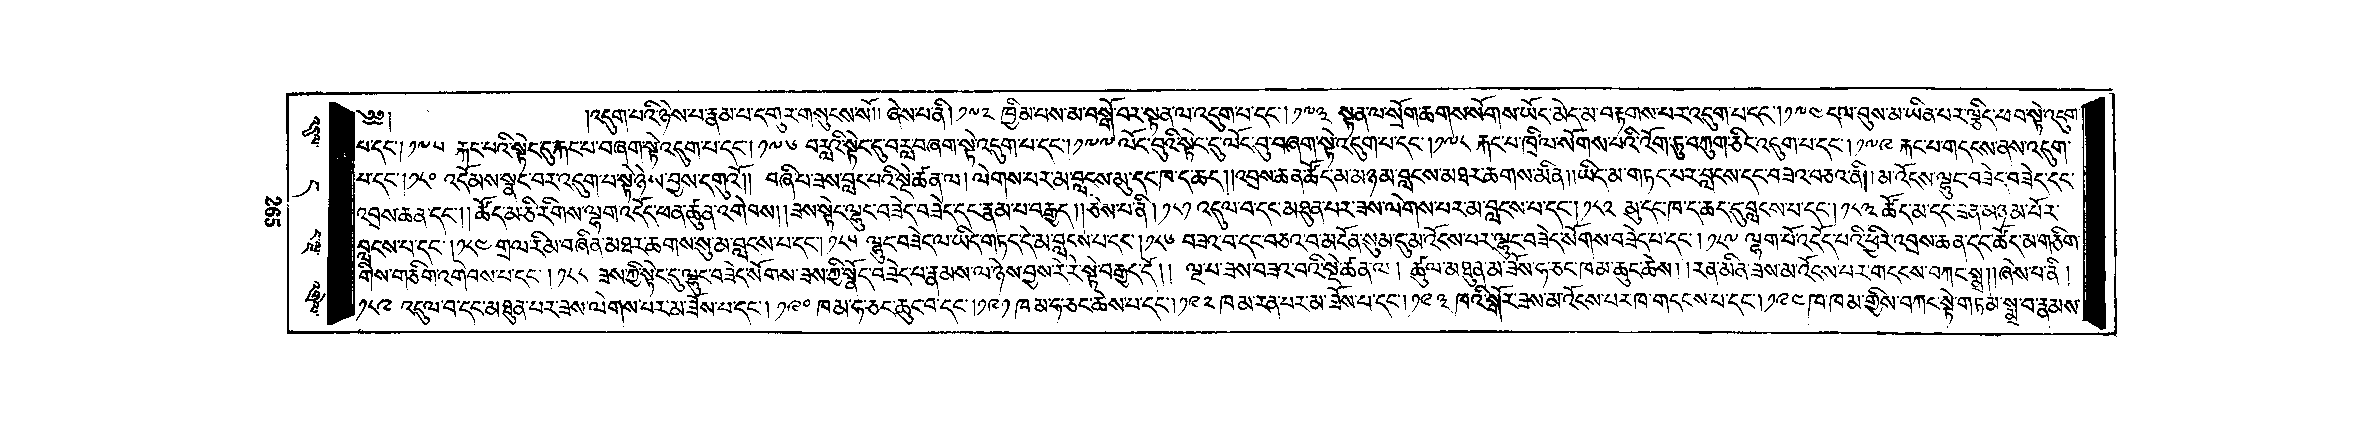༄༅། །འདུག་པའི་ཉེས་པ་རྣམ་པ་དགུར་གསུངས་སོ། །ཞེས་པ་ནི། ཁྱིམ་པས་མ་བསྒོ་བར་སྟན་ལ་འདུག་པ་དང་། སྟན་ལ་སྲོག་ཆགས་སོགས་ཡོད་མེད་མ་བརྟགས་པར་འདུག་པ་དང་། དལ་བུས་མ་ཡིན་པར་ལྕིད་ཕབ་སྟེ་འདུག་
པ་དང་། རྐང་པའི་སྟེང་དུ་རྐང་པ་བཞག་སྟེ་འདུག་པ་དང་། བརླའི་སྟེང་དུ་བརླ་བཞག་སྟེ་འདུག་པ་དང་། ལོང་བུའི་སྟེང་དུ་ལོང་བུ་བཞག་སྟེ་འདུག་པ་དང་། རྐང་པ་ཁྲི་ལ་སོགས་པའི་འོག་ཏུ་བཀུག་ཅིང་འདུག་པ་དང་། རྐང་པ་གདངས་ནས་འདུག་
པ་དང་། འདོམས་སྣང་བར་འདུག་པ་སྟེ་ཉེས་བྱས་དགུའོ། །བཞི་པ་ཟས་བླང་པའི་སྡེ་ཚན་ལ། ལེགས་པར་མ་བླངས་མུ་དང་ཁ་ད་ཆད། །འབྲས་ཆན་ཚོད་མ་མཉམ་བླངས་མཐར་ཆགས་མིན། །ཡིད་ལ་གཏད་པར་བླངས་དང་བཟའ་བཅའ་ནི། །མ་འོངས་ལྷུང་བཟེད་བཟེད་དང་
འབྲས་ཆན་དང་། །ཚོད་མ་ཅི་རིགས་ལྷག་འདོད་ཕན་ཚུན་འགེབས། །ཟས་སྟེང་ལྷུང་བཟེད་བཟེད་དང་རྣམ་པ་བརྒྱད། །ཅེས་པ་ནི། འདུལ་བ་དང་མཐུན་པར་ཟས་ལེགས་པར་མ་བླངས་པ་དང་། མུ་དང་ཁ་ད་ཆད་དུ་བླངས་པ་དང་། ཚོད་མ་དང་ཟན་མཉམ་པོར་
བླངས་པ་དང་། གྲལ་རིམ་བཞིན་མཐར་ཆགས་སུ་མ་བླངས་པ་དང་། ལྷུང་བཟེད་ལ་ཡིད་གཏད་དེ་མ་བླངས་པ་དང་། བཟའ་བ་དང་བཅའ་བ་མངོན་སུམ་དུ་མ་འོངས་པར་ལྷུང་བཟེད་སོགས་བཟེད་པ་དང་། ལྷག་པོ་འདོད་པའི་ཕྱིར་འབྲས་ཆན་དང་ཚོད་མ་གཅིག་
གིས་གཅིག་འགེབས་པ་དང་། ཟས་ཀྱི་སྟེང་དུ་ལྷུང་བཟེད་སོགས་ཟས་ཀྱི་སྣོད་བཟེད་པ་རྣམས་ལ་ཉེས་བྱས་རེ་རེ་སྟེ་བརྒྱད་དོ། །ལྔ་པ་ཟས་བཟའ་བའི་སྡེ་ཚན་ལ། ཚུལ་མཐུན་མ་ཟོས་ཧ་ཅང་ཁམ་ཆུང་ཆེས། །རན་མིན་ཟས་མ་འོངས་པར་གདངས་བཀང་སྨྲ། །ཞེས་པ་ནི།
འདུལ་བ་དང་མཐུན་པར་ཟས་ལེགས་པར་མ་ཟོས་པ་དང་། ཁམ་ཧ་ཅང་ཆུང་བ་དང་། ཁམ་ཧ་ཅང་ཆེས་པ་དང་། ཁམ་རན་པར་མ་ཟོས་པ་དང་། ཁའི་སྒོར་ཟས་མ་འོངས་པར་ཁ་གདངས་པ་དང་། ཁ་ཁམ་གྱིས་བཀང་སྟེ་གཏམ་སྨྲ་བ་རྣམས་